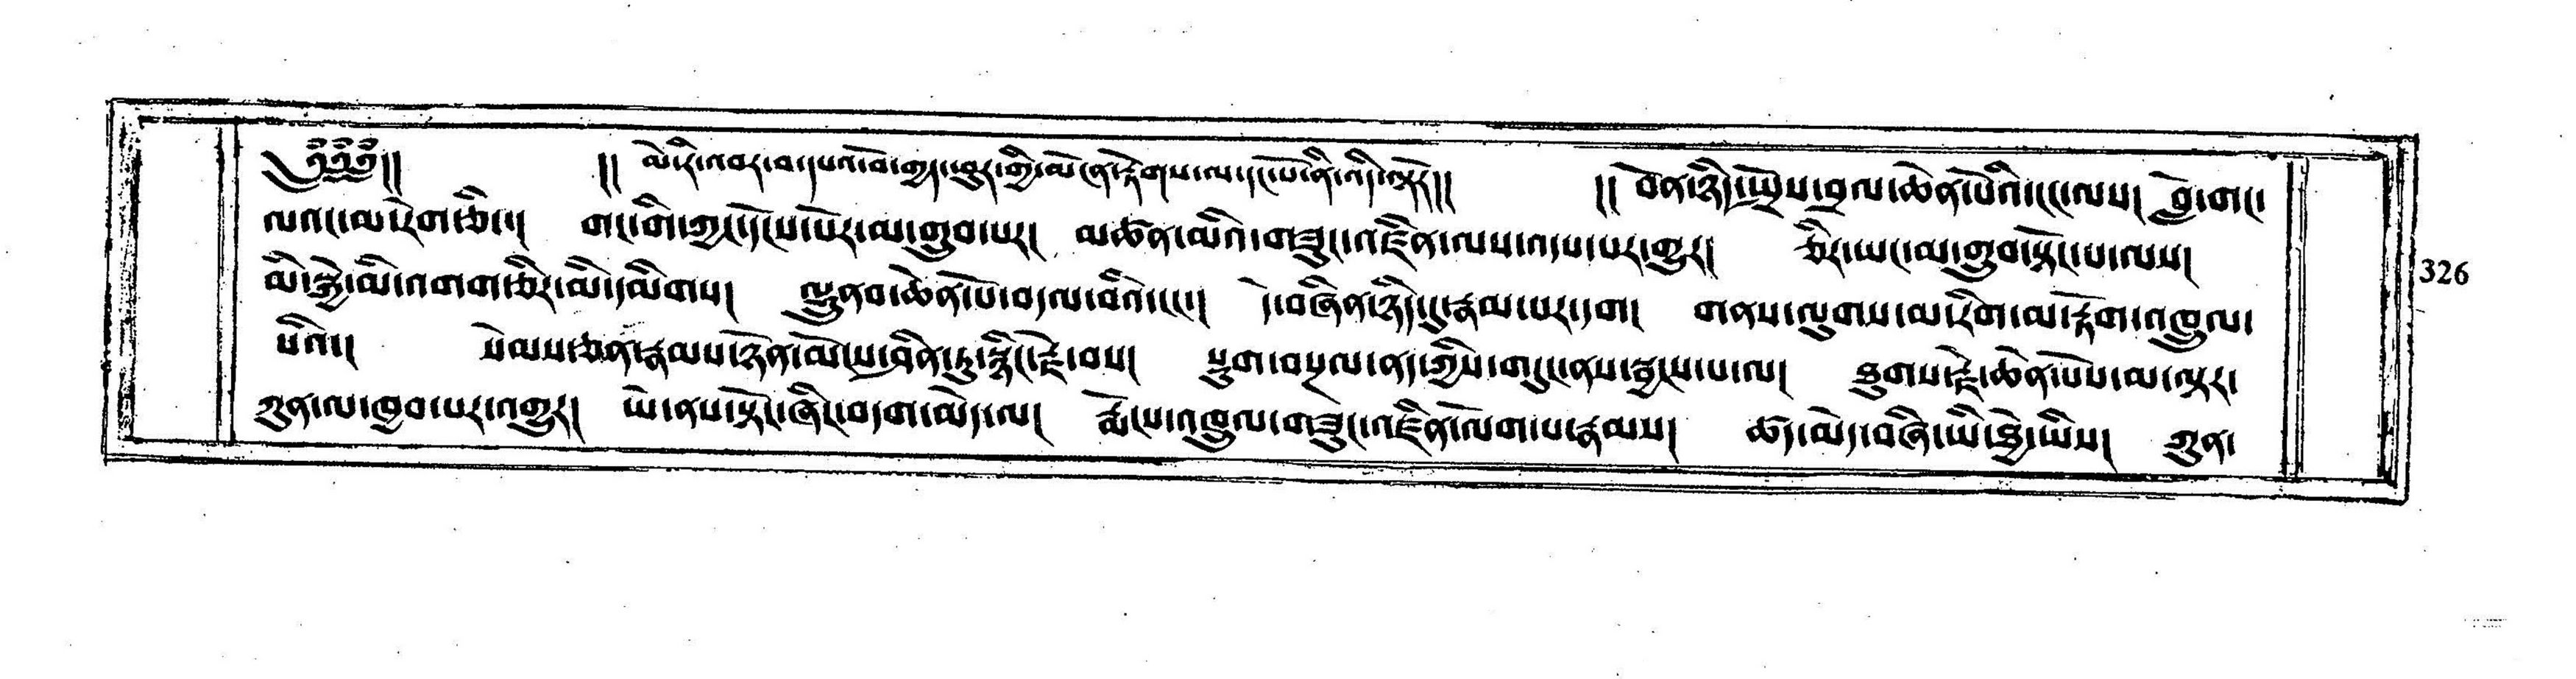༄༅༅།། །།མེ་རི་འབར་བ་དཔའ་བོ་གྱད་ཕུར་གྱི་མངོན་རྟོགས་ལ་དང་པོ་ནི་འདི་ལྟར་རོ།། །།བོན་ཉིད་སྤྲོས་བྲལ་ཆེན་པོའི་ངང་ལས། བློ་གང་
ལའང་མ་རེག་ཅིང་། གང་གི་ཀྱང་དངོས་པོར་མ་གྲུབ་པར། མཚན་མའི་གཟུང་འཛིན་ལས་འདས་པར་གྱུར། ཅིར་ཡང་མ་གྲུབ་སྟོང་པ་ལས། 
མི་སྐྱེ་མི་འགག་ཅིར་མི་དམིགས། ལྷུན་གྲུབ་ཆེན་པོ་བདལ་བའི་ངང་། དེ་བཞིན་ཉིད་དུ་རྣམ་པར་དག གནས་ལུགས་མ་རིག་མ་རྟོག་འཁྲུལ་
པའི། སེམས་ཅན་རྣམས་ཉོན་མོངས་ཤིན་ཏུ་སྙིང་རྗེ་བས། སྡུག་བསྔལ་ནད་ཀྱིས་གདུང་ནས་སྦྱང་བ་ལ། ཐུགས་རྗེ་ཆེན་པོས་མ་ལྟར་
ཀུན་ལ་ཁྱབ་པར་འགྱུར། ཡེ་ནས་སྟོང་ཞིང་བདག་མེད་ལ། རྨོངས་འཁྲུལ་གཟུང་འཛིན་ལོག་པ་རྣམས། ཚད་མེད་བཞི་ཡི་ཐུགས་རྗེ་ཡིས། ཀུན་